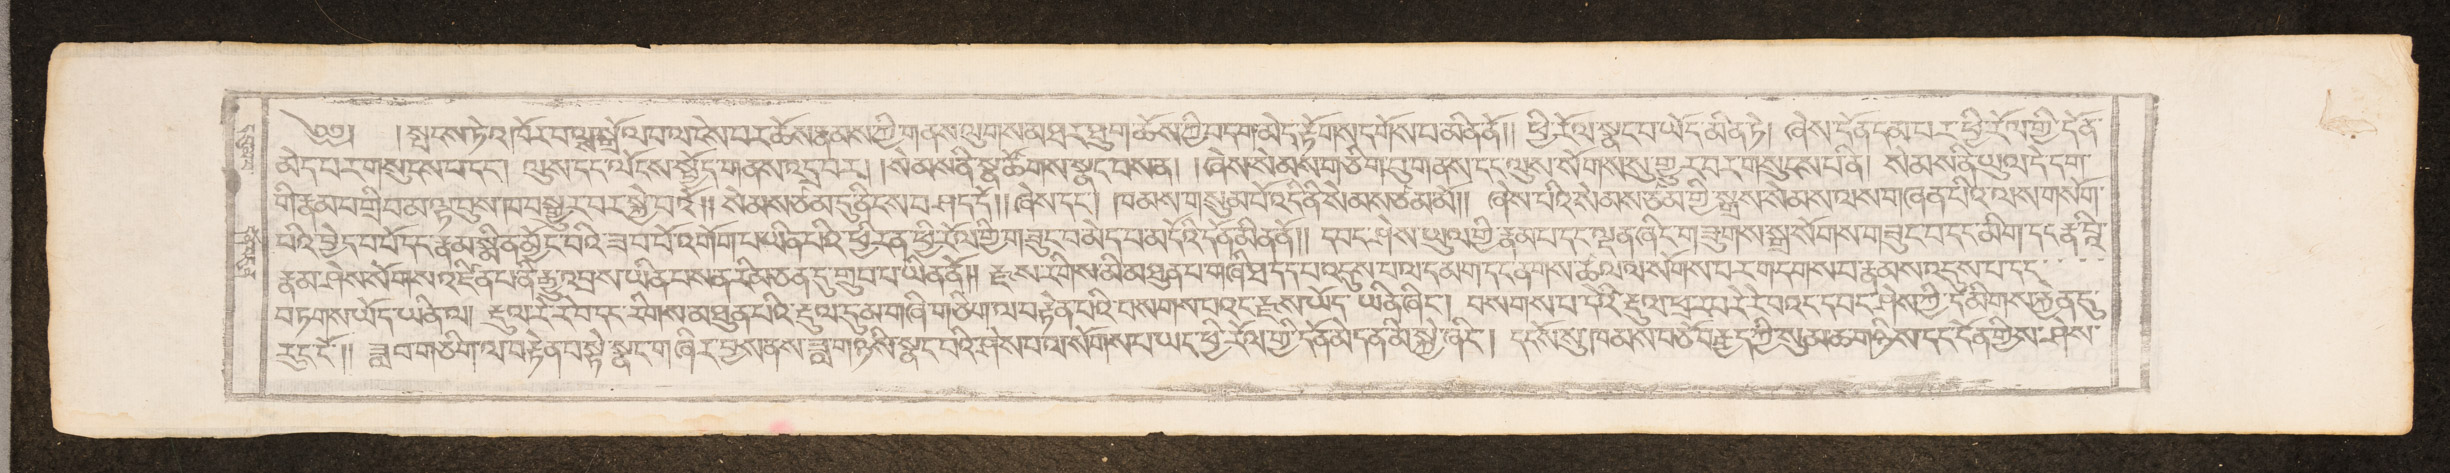༄༅། །སྤངས་ཏེ་འཁོར་བ་ལས་སྒྲོལ་བ་ལ་ངེས་པར་ཆོས་རྣམས་ཀྱི་གནས་ལུགས་མཐར་ཐུག་ཆོས་ཀྱི་བདག་མེད་རྟོགས་དགོས་པ་མིན་ནོ། །ཕྱི་རོལ་སྣང་བ་ཡོད་མིན་ཏེ། ཞེས་དོན་དམ་པར་ཕྱི་རོལ་གྱི་དོན་
མེད་པར་གསུངས་པ་དང་། ལུས་དང་ལོངས་སྤྱོད་གནས་འདྲ་བར། །སེམས་ནི་སྣ་ཚོགས་སྣང་བས་ན། །ཞེས་སེམས་གཅིག་བུ་གནས་དང་ལུས་སོགས་སུ་གྱུར་བར་གསུངས་པ་ནི། སེམས་ནི་ཡུལ་དེ་དག་
གི་རྣམ་པ་གྲིབ་མ་ལྟ་བུས་ཁ་བསྒྱུར་བར་སྐྱེ་བའོ། །སེམས་ཙམ་དུ་ནི་ངས་བཤད་དོ། །ཞེས་དང་། ཁམས་གསུམ་པོ་འདི་ནི་སེམས་ཙམ་མོ། །ཞེས་པའི་སེམས་ཙམ་གྱི་སྒྲས་སེམས་ལས་གཞན་པའི་ལས་གསོག་
པའི་བྱེད་པ་པོ་དང་རྣམ་སྨིན་མྱོང་བའི་ཟབ་པོ་འགོག་པ་ཡིན་པའི་ཕྱིར་ན་ཕྱི་རོལ་གྱི་གཟུང་བ་མེད་པ་མདོའི་དོན་མིན་ནོ། །དབང་ཤེས་ཡུལ་གྱི་རྣམ་པ་དང་ལྡན་ཞིང་གཟུགས་སྒྲ་སོགས་གཟུང་བ་དང་མིག་དང་རྣ་བཱི་
རྣམ་ཤེས་སོགས་འཛིན་པ་ནི་རྒྱུ་འབྲས་ཡིན་པས་ན་རིམ་ཅན་དུ་གྲུབ་པ་ཡིན་ནོ།། རྫས་རིགས་མི་མཐུན་པ་གཞི་ཐ་དད་པ་འདུས་པ་ལ་དམག་དང་ནགས་ཚལ་ལ་སོགས་པར་གདགས་པ་རྣམས་འདུས་པ་དང་
བཏགས་ཡོད་ཡིན་ལ། རྡུལ་རེ་རེ་བ་དང་རིགས་མཐུན་པའི་རྡུལ་དུ་མ་གཞི་གཅིག་ལ་བསྟེན་པའི་བསགས་པའང་རྫས་ཡོད་ཡིན་ཞིང་། བསགས་པ་དེའི་རྡུལ་ཕྲ་རབ་རེ་རེ་བའང་ཕྲ་རབ་རེ་རེ་བའང་དབང་ཤེས་ཀཡ་དམིགས་རྐྱེན་དུ་
རུང་ངོ། །ཟླ་བ་གཅིག་ལ་བརྟེན་པ་སྟེ་སྣང་གཞིར་བྱས་ནས་ཟླ་གཉིས་སྣང་བའི་ཤེས་པ་ལ་སོགས་པ་ཡང་ཕྱི་རོལ་གྱི་དོན་མེད་ན་མི་སྐྱེ་ཞིང་། དངོས་སུ་ཁམས་བཅོ་བརྒྱད་ཀྱི་སུམ་ཆ་གཉིས་དང་དོན་གྱིས་ཤེས་